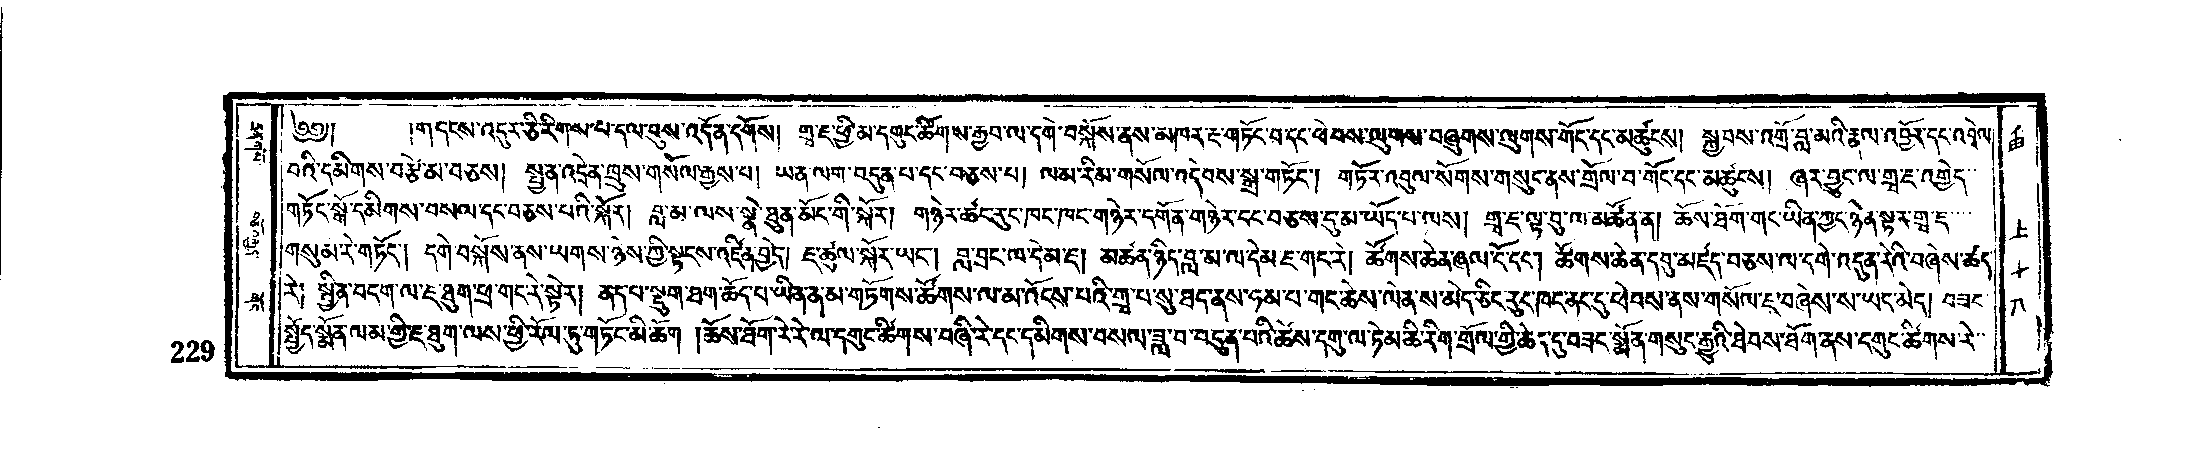༄༅། །གདངས་འདུར་ཅི་རིགས་པ་དལ་བུས་འདོན་དགོས། གྲྭ་ཇ་ཕྱི་མ་དགུང་ཚིགས་རྒྱབ་ལ་དགེ་བསྐོས་ནས་མཁར་རྔ་གཏོང་བ་དང་ཕེབས་ལུགས་བཞུགས་ལུགས་གོང་དང་མཚུངས། སྐྱབས་འགྲོ་བླ་མའི་རྣལ་འབྱོར་དང་འབྲེལ་
བའི་དམིགས་བརྩེ་མ་བཅས། སྤྱན་འདྲེན་ཁྲུས་གསོལ་རྒྱས་པ། ཡན་ལག་བདུན་པ་དང་བཅས་པ། ལམ་རིམ་གསོལ་འདེབས་སྒྲ་གཏོང་། གཏོར་འབུལ་སོགས་གསུང་ནས་གྲོལ་བ་གོང་དང་མཚུངས། ཞར་བྱུང་ལ་གྲྭ་ཇ་འགྱེད་
གཏོང་སྒོ་དམིགས་བསལ་དང་བཅས་པའི་སྐོར། བླ་མ་ལས་སྣེ་ཐུན་མོང་གི་སྐོར། གཉེར་ཚང་རུང་ཁང་ཁང་གཉེར་དགོན་གཉེར་དང་བཅས་དུ་མ་ཡོད་པ་ལས། གྲྭ་ཇ་ལྟ་བུ་ལ་མཚོན་ན། ཆོས་ཐོག་གང་ཡིན་ཀྱང་ཉིན་སྟར་གྲྭ་ཇ་
གསུམ་རེ་གཏོང་། དགེ་བསྐོས་ནས་ཡགས་ཉེས་ཀྱི་སྟངས་འཛིན་བྱེད། ཇ་ཚུལ་སྐོར་ཡང་། བླ་བྲང་ལ་དེམ་ཇ། མཚན་ཉིད་བླ་མ་ལ་དེམ་ཇ་གང་རེ། ཚོགས་ཆེན་ཞལ་ངོ་དང་། ཚོགས་ཆེན་དབུ་མཛད་བཅས་ལ་དགེ་འདུན་རེའི་བཞེས་ཚད་
རེ༑ སྦྱིན་བདག་ལ་ཇ་ཐུག་ཕྲ་གང་རེ་སྟེར། ནད་པ་སྡུག་ཐག་ཆོད་པ་ཡིན་ན་མ་གཏོགས་ཚོགས་ལ་མ་འོངས་པའི་གྲྭ་པ་སུ་ཐད་ནས་ཧམ་པ་གང་ཆེས་ལེན་ས་མེད་ཅིང་རུང་ཁང་ནང་དུ་ཕེབས་ནས་གསོལ་ཇ་བཞེས་ས་ཡང་མེད། བཟང་
སྤྱོད་སྨོན་ལམ་གྱི་ཇ་ཐུག་ལས་ཕྱི་རོལ་ཏུ་གཏོང་མི་ཆོག །ཆོས་ཐོག་རེ་རེ་ལ་དགུང་ཚིགས་བཞི་རེ་དང་དམིགས་བསལ་ཟླ་བ་བདུན་པའི་ཚེས་དགུ་ལ་ཏེམ་ཆི་རིག་གྲོལ་གྱི་ཆེད་དུ་བཟང་སྨོན་གསུང་རྒྱུའི་ཐེབས་ཐོག་ནས་དགུང་ཚིགས་རེ་